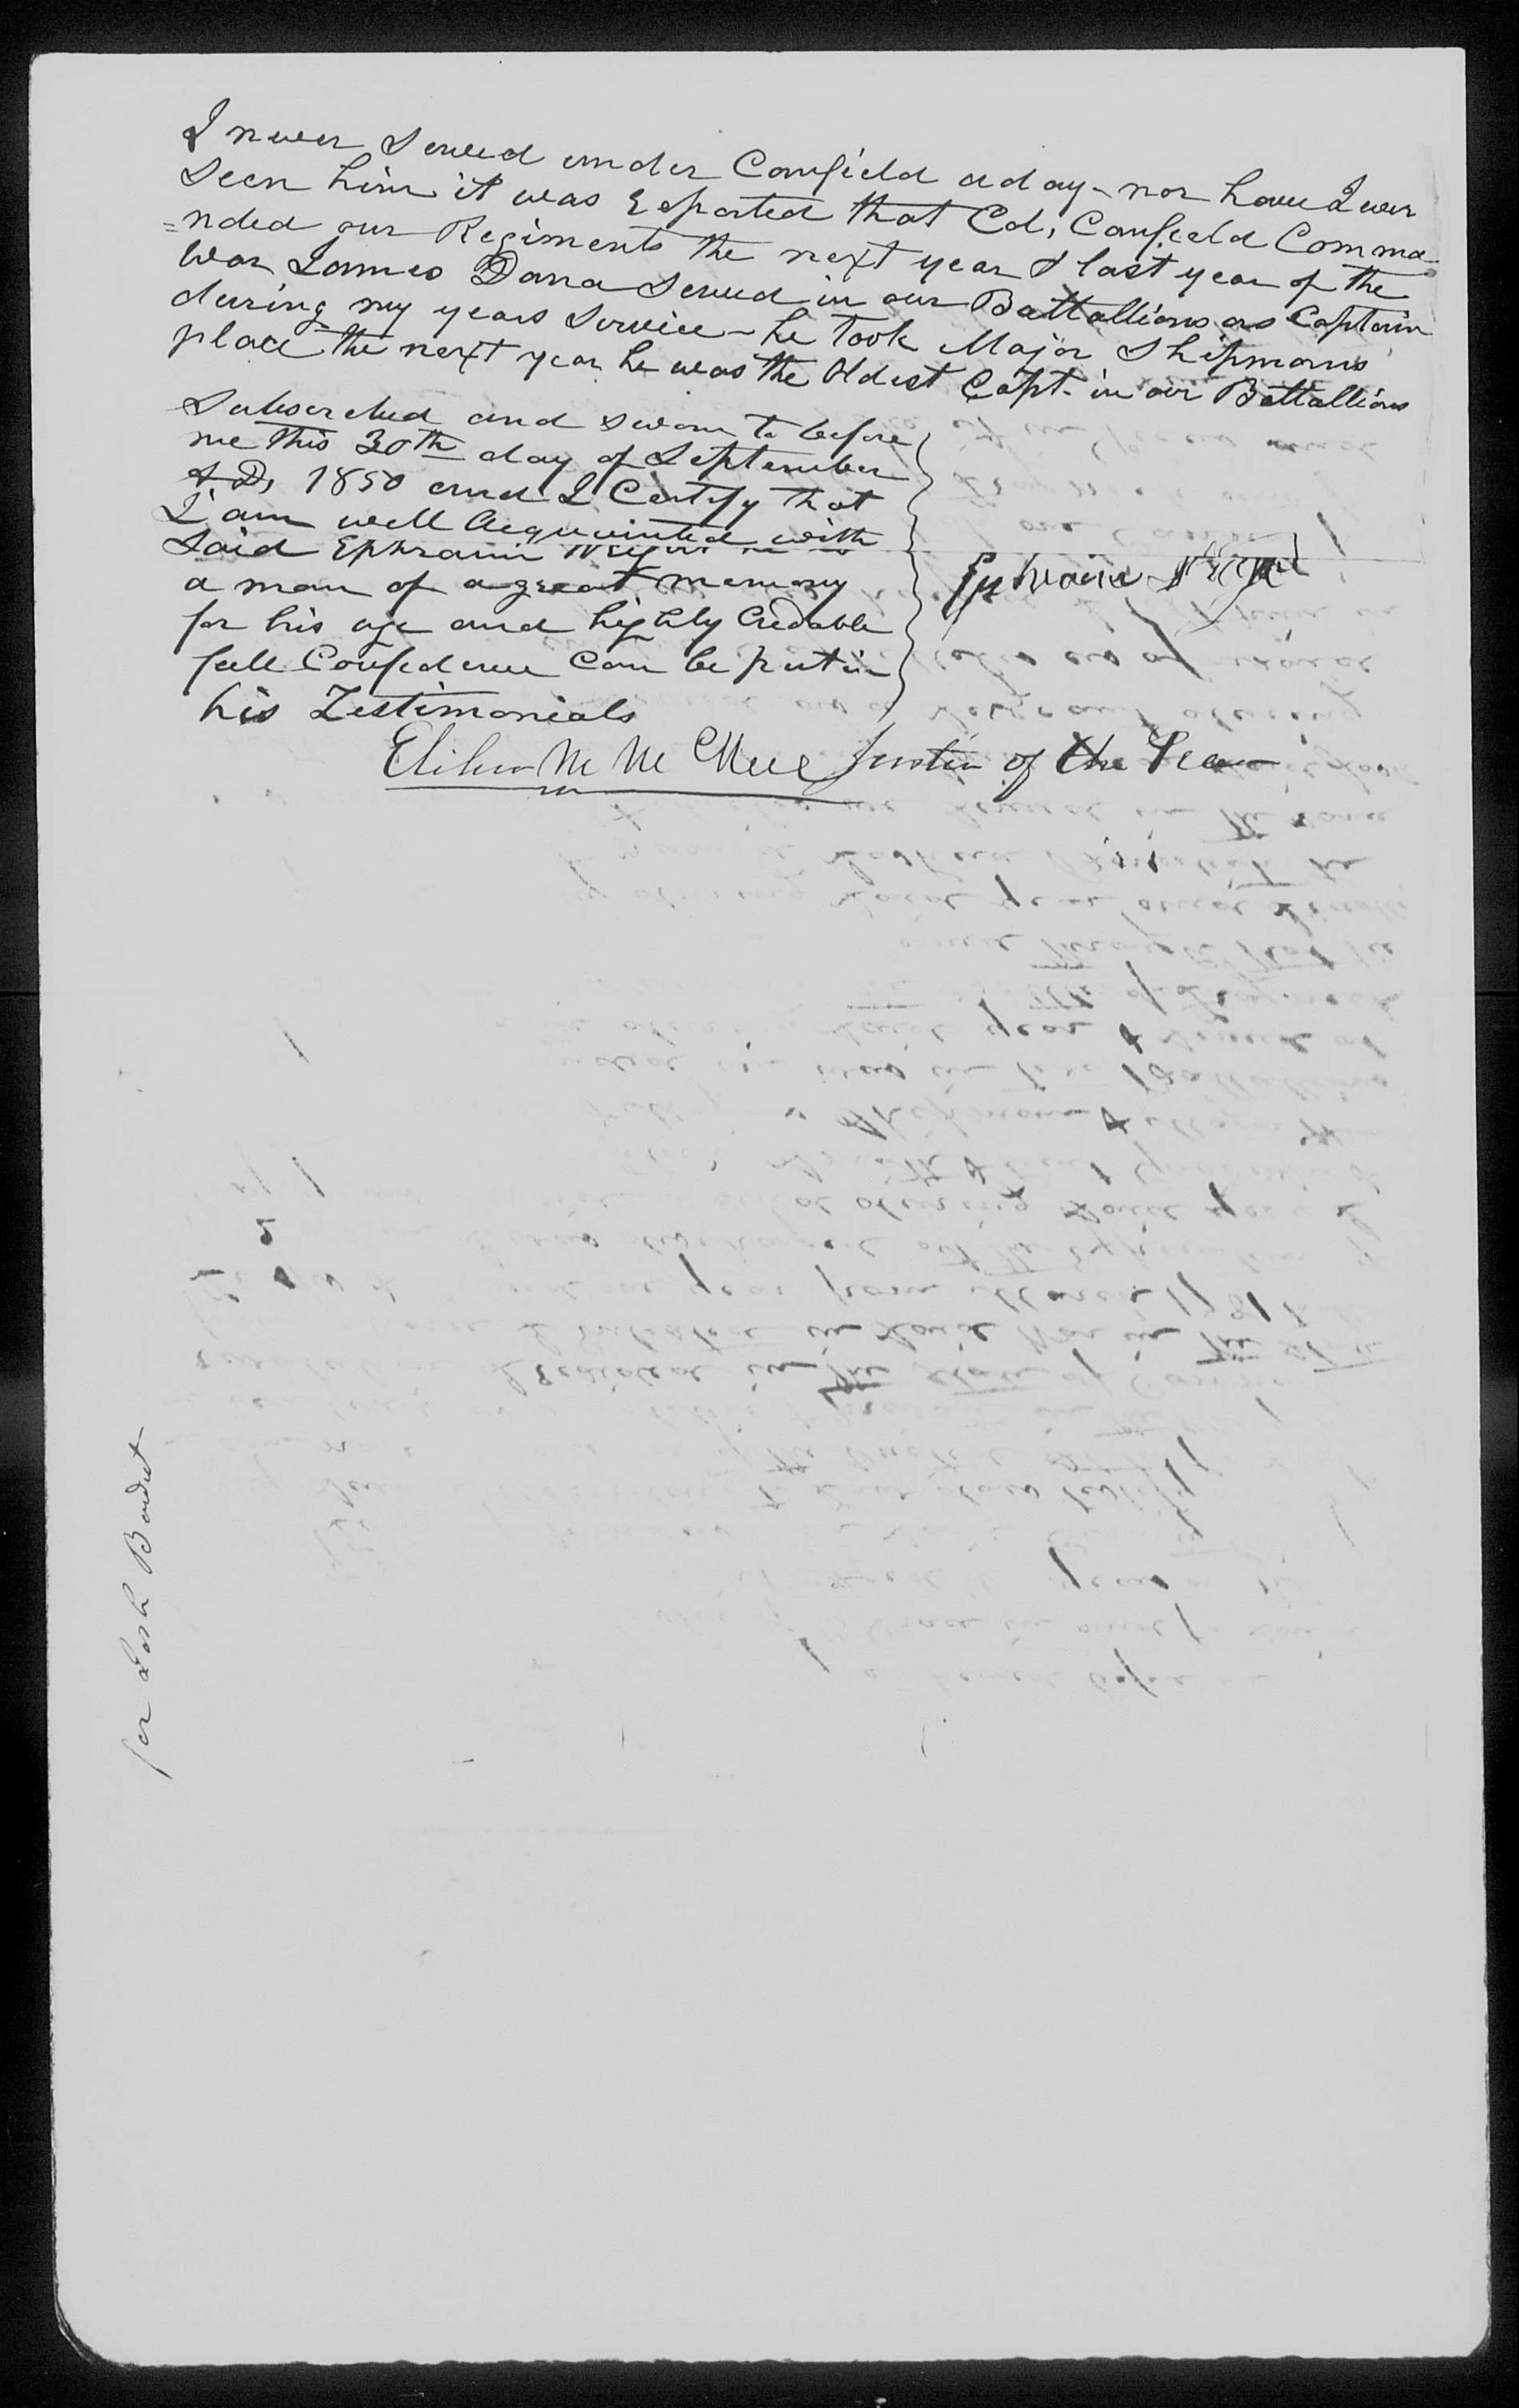I never served under Canfield a day, nor have I ever seen him it was reported that Col. Canfield Commanded our Regiments the next year & last year of the war, James Dana served in our Battallions [battalions] as Captain during my years service - he took Major Shipmans place the next year he was the Oldest Capt. in our Battallions
Ephraim Weight

Subscribed and Sworn to before me this 30th day of September A.D. 1850 and I Certify that said Ephraim Weight is a man of a great memory for his age and highly credible full Confidence can be put in his Testimonials
Elihu M McNeil Justice of the Peace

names: Elihu M Mcniel, Ephraim Weight, Canfield, Ephraim Weight, Shipman, James Dana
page: 64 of 106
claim: survivor's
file: S 23,116., Joshua Benedict, Conn.